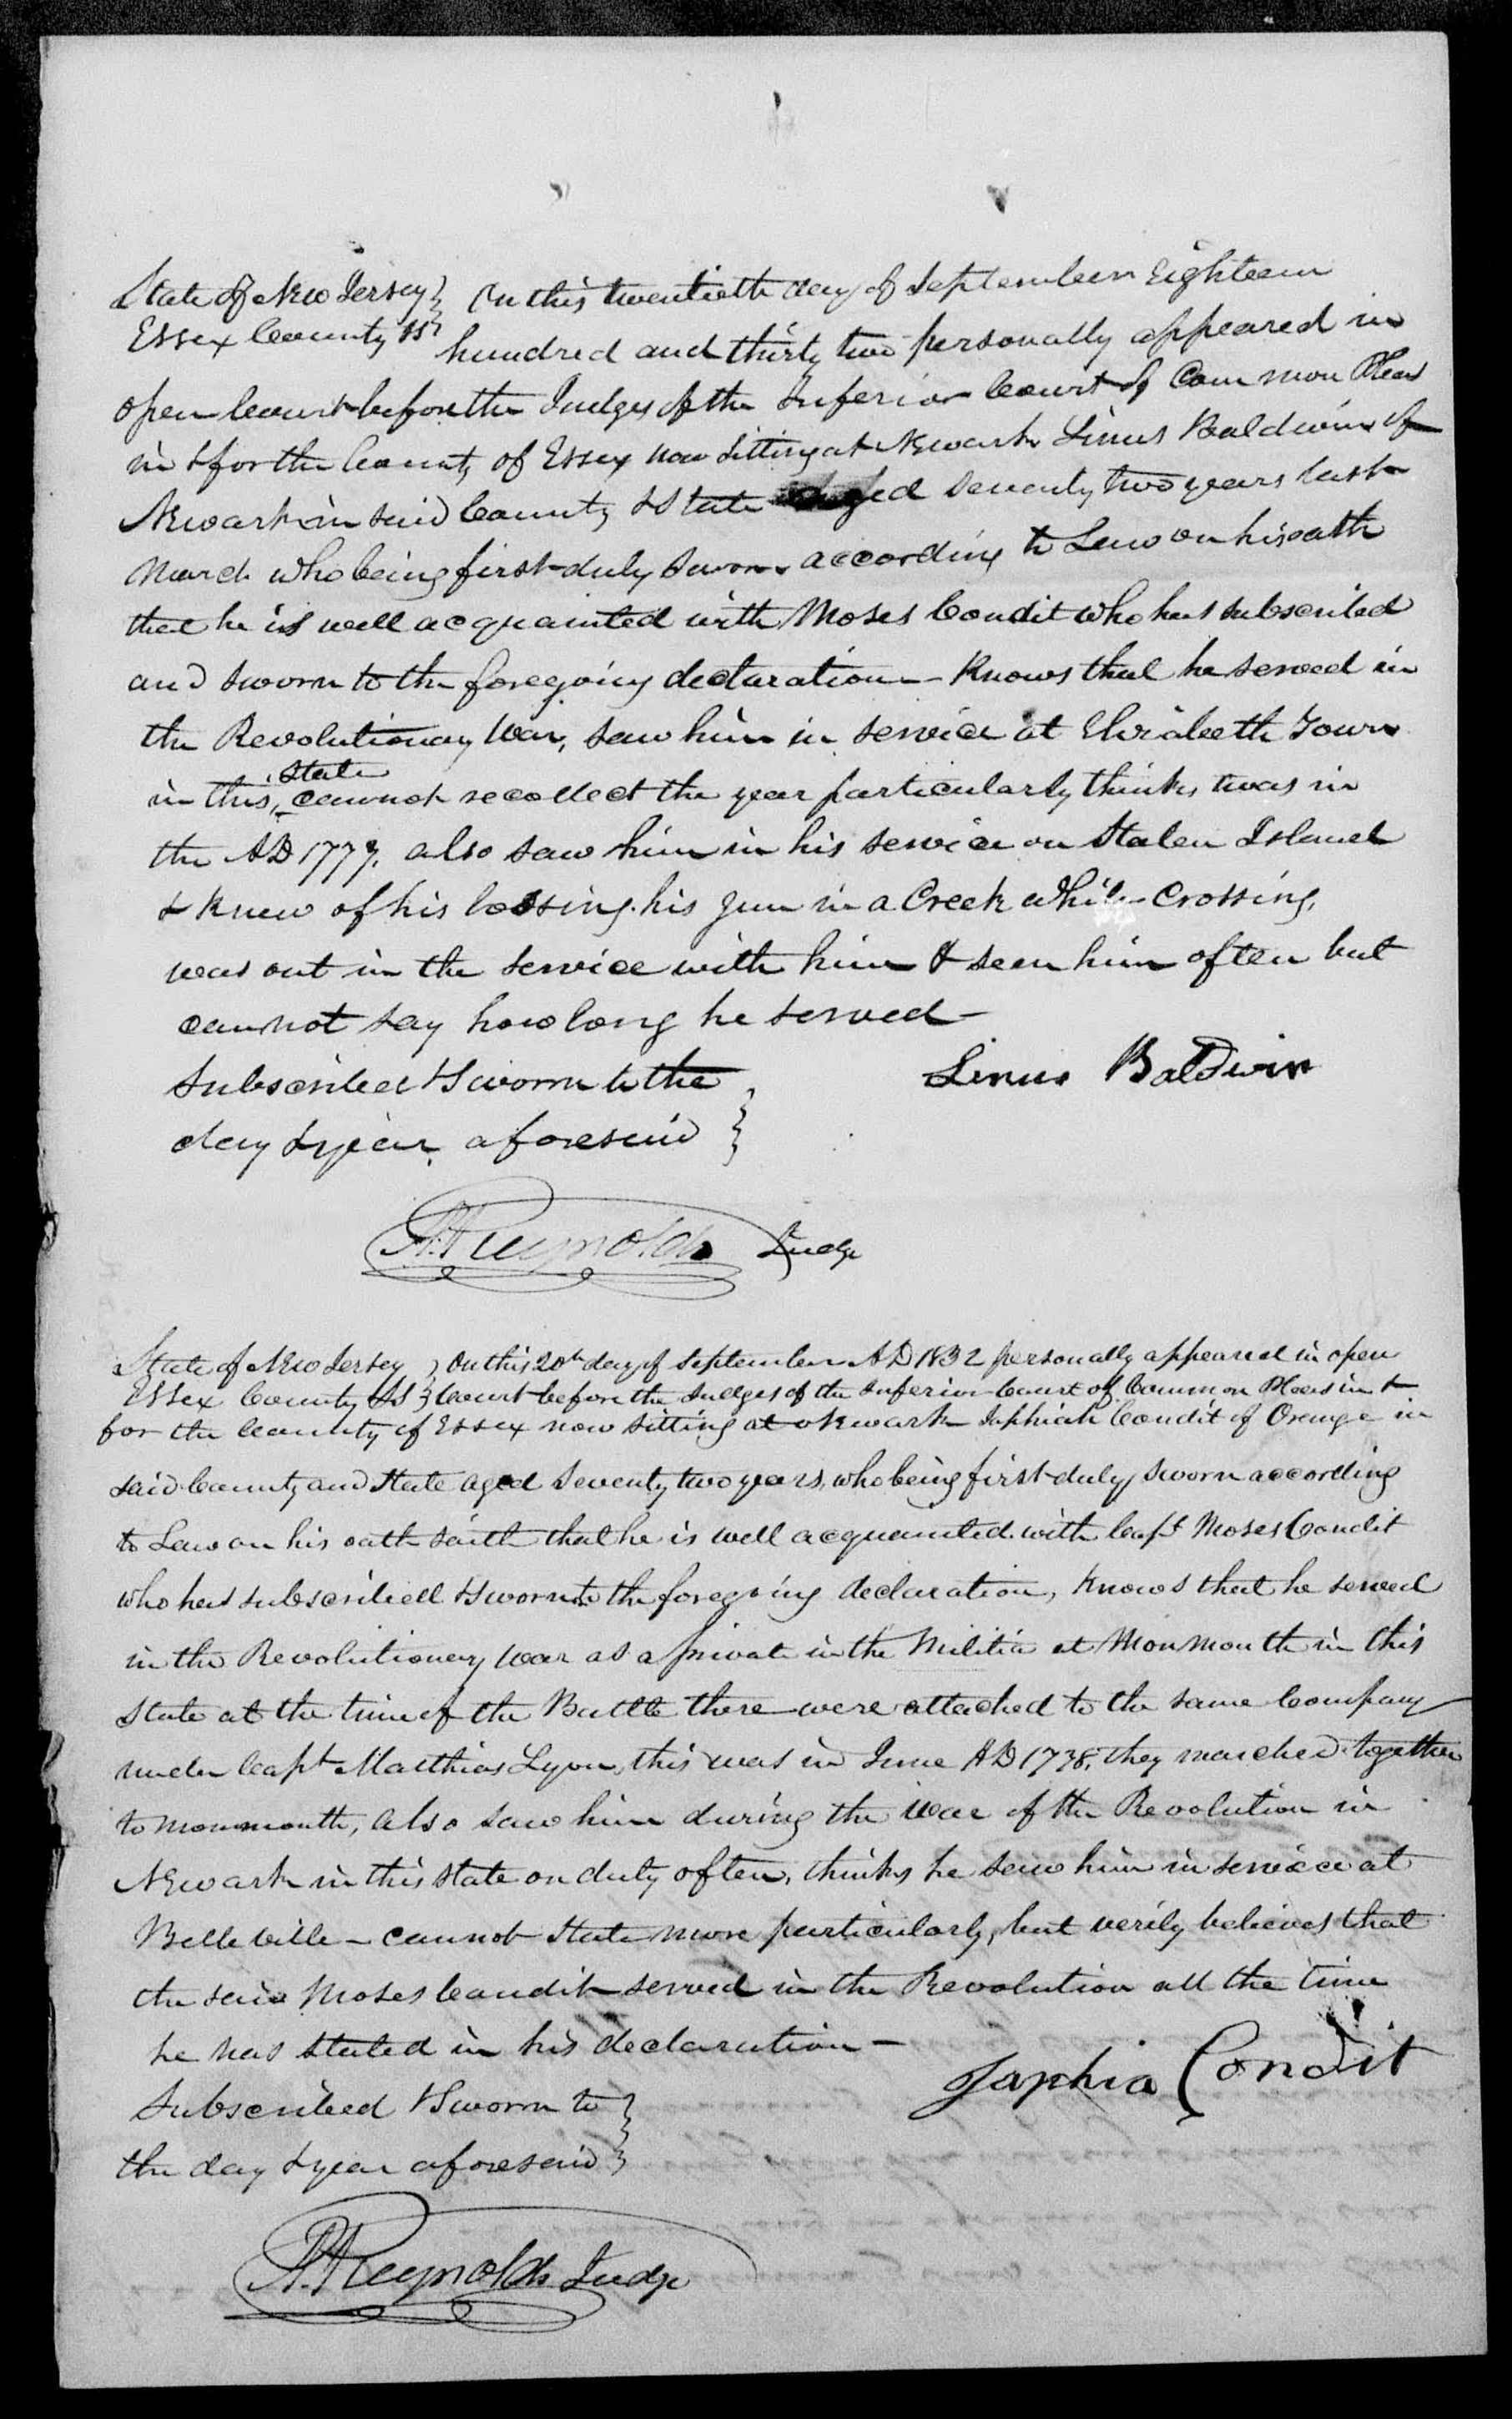[Handwritten]

State of New Jersey
Essex County SS

On this twentieth day of September Eighteen
hundred and thirty two personally appeared in
open Court before the Judges of the Inferior Court of Common Pleas
in & for the County of Essex now sitting at Newark Linus Baldwin of
Newark in said County & state aged seventy two years last
March who being first duly Sworn according to Law on his oath
that he is well acquainted with Moses Condit who had subscribed
and Sworn to the foregoing declaration - Knows that he served in
the Revolutionary War, saw him in service at Elizabeth Town
in this state, cannot recollect the year particularly thinks twas in
the AD 1777. also saw him in his service on Staten Island
& knew of his losing his gun in a Creek while crossing.
was out in the service with him & seen him often but
cannot say how long he served -

Subscribed & Sworn to the
day & year aforesaid

Linus Baldwin

A Reynolds  Judge




State of New Jersey
Essex County SS

On this 20th day of September AD 1832 personally appeared in open
Court before the Judges of the Inferior Court of Common Pleas in &
for the County of Essex now sitting at Newark Japhiah Condit of Orange in
said County and State aged Seventy two years, who being first duly sworn according
to Law on his oath saith that he is well acquainted with Capt Moses Condit
who had subscribed & Sworn to the foregoing declaration, knows that he served
in the Revolutionary War as a private in the Militia at Monmouth in this
State at the time of the Battle there - were attached to the same Company
under Capt. Matthias Lyon, this was in June AD 1778. they marched together
to Monmouth, also saw him during the War of the Revolution in
Newark in this state on duty often, thinks he saw him in service at
Belleville - cannot state more particularly, but verily believes that
the said Moses Condit served in the Revolution all the time
he had stated in his declaration -

Subscribed & Sworn to
the day & year aforesaid

Japhia Condit

A. Reynolds   Judge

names: Moses Condit, Moses Condit, Moses Condit, A Reynolds, Linus Baldwin, A Reynolds, Matthias Lyon, Linus Baldwin, Japhia Condit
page: 20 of 23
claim: survivor's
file: S. 3212, Moses Condit, New Jersey